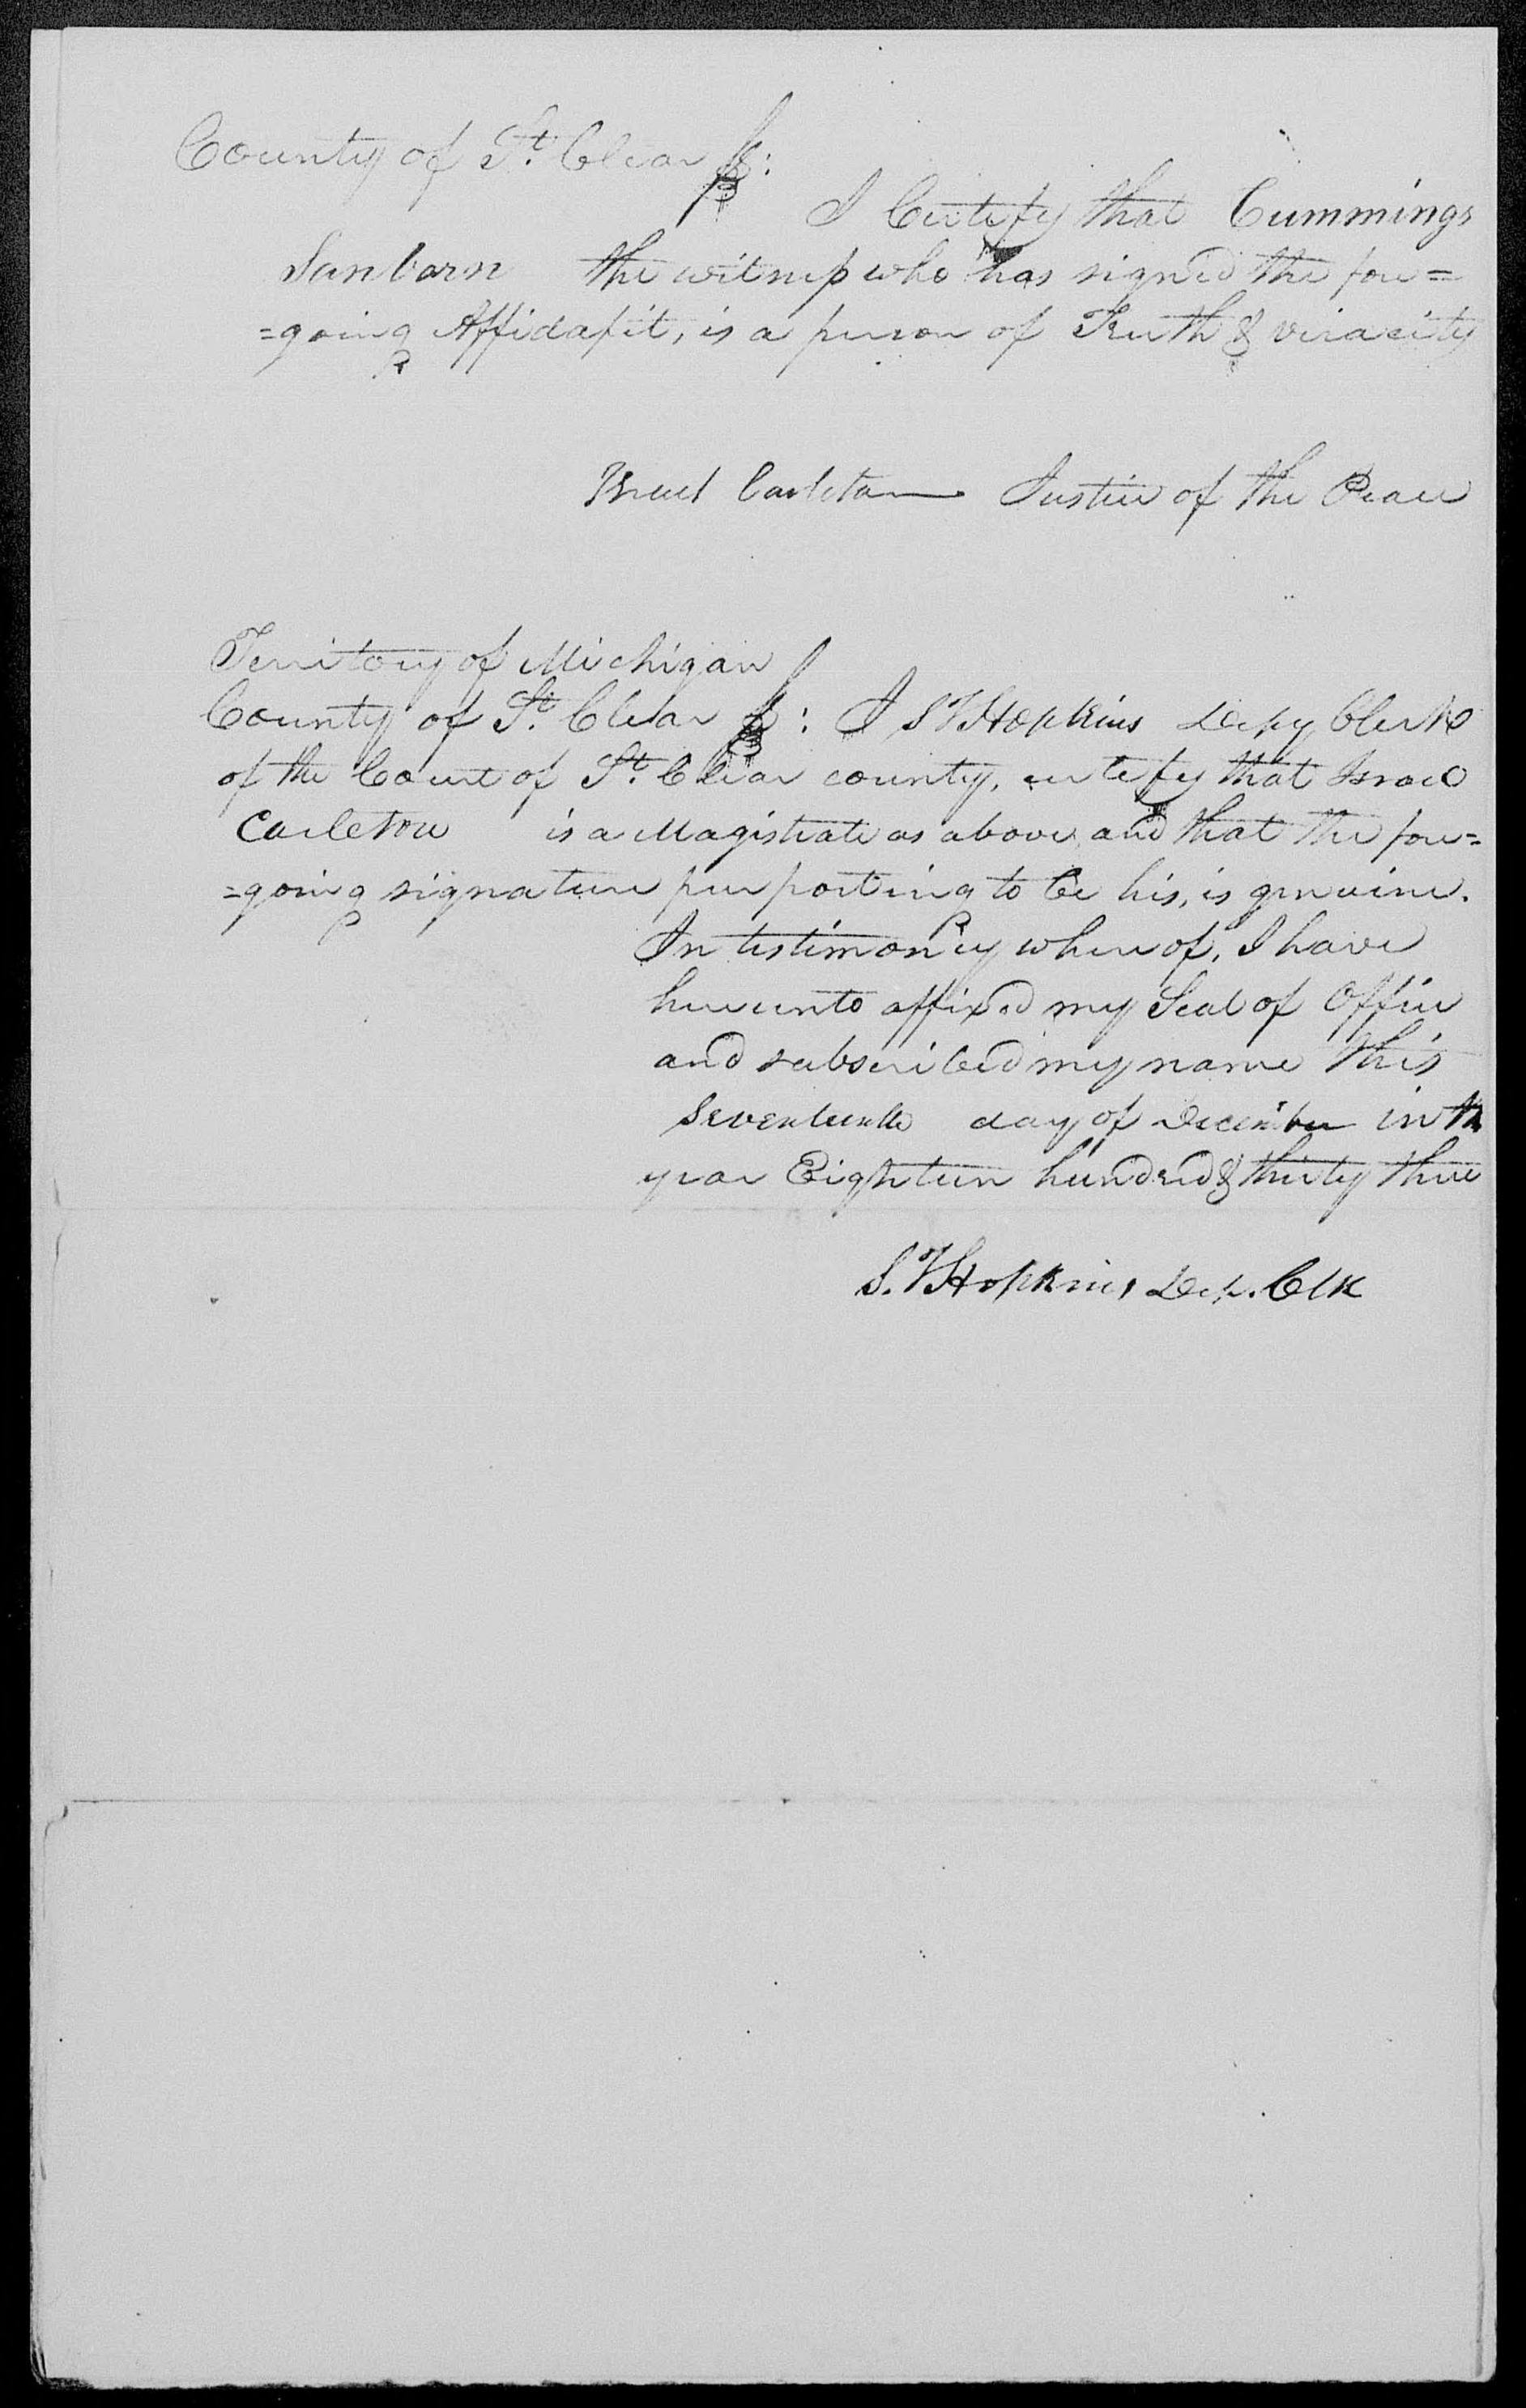County of St. Clear ss:
I certify that Cummings Sanborn the witness who has signed the foregoing affidavit, is a person of Truth and veracity.
Israel Carleton Justice of the Peace

Territory of Michigan
County of St. Clear ss: I, S. T. Hopkins, Depy Clerk of the Court of St. Clear county certifythat Israel Carleton is a Magistrate as above and that the foregoing signature purporting to be his, is genuine. 
In testimony whereof, I have hereunto affixed my Seal of Office and subscribed my name this Seventeenth day of December in the year Eighteen hundred thirty three.
S. T. Hopkins, Dep. Clk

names: S T Hopkins, S T Hopkins, Israel Carleton, Israel Carleton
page: 8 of 25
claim: survivor's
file: S. 28986, Jonathan Barron, N.H.